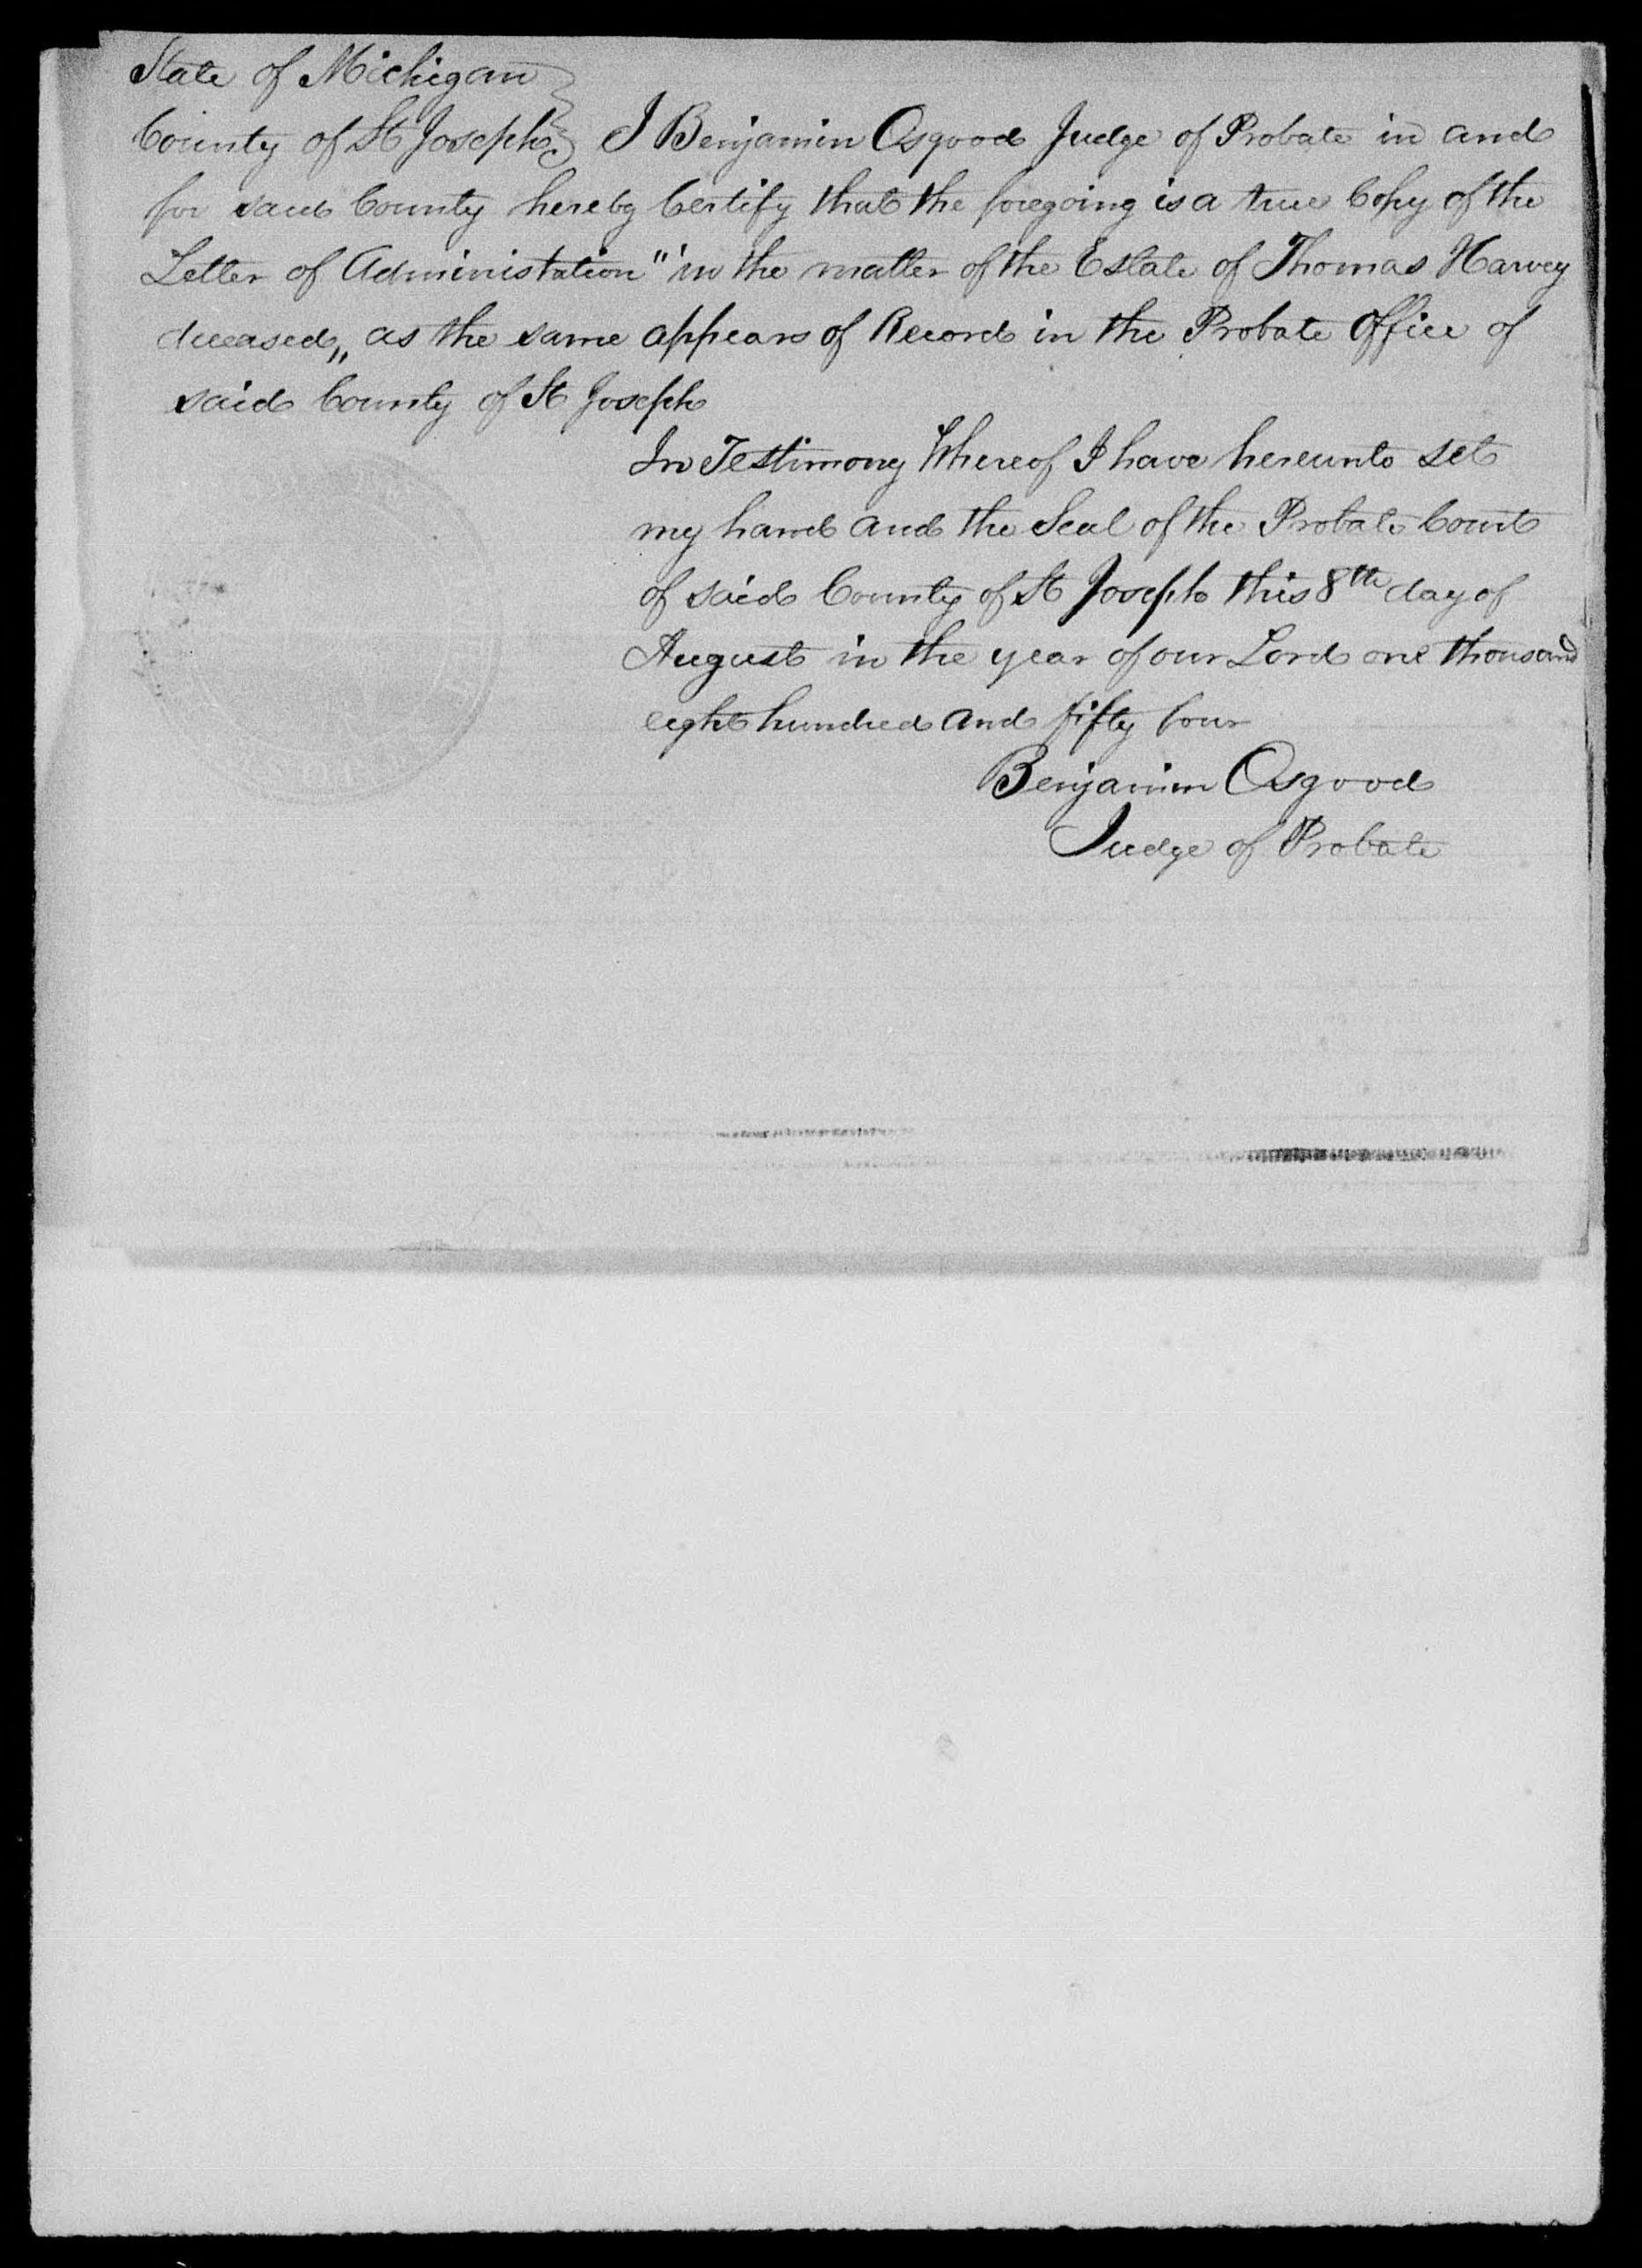State of Michigan
County of St. Joseph} I Benjamin Osgood Judge of Probate in and for said County hereby certify that the foregoing is a true copy of the Letter of Administration in the matter of the Estate of Thomas Harvey deceased, as the same appears of Records in the Probate Office of said County of St. Joseph
[court seal] In Testimony Whereof I have hereunto set my hand and the Seal of the Probate Court of said County of St. Joseph this 8th day of August in the year of our Lord one thousand eight hundred and fifty four
/s/Benjamin Osgood 
Judge of Probate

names: Benjamin Osgood, Benjamin Osgood, Thomas Harvey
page: 53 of 80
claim: survivor's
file: S. 18008, Thomas Harvey, N.H.